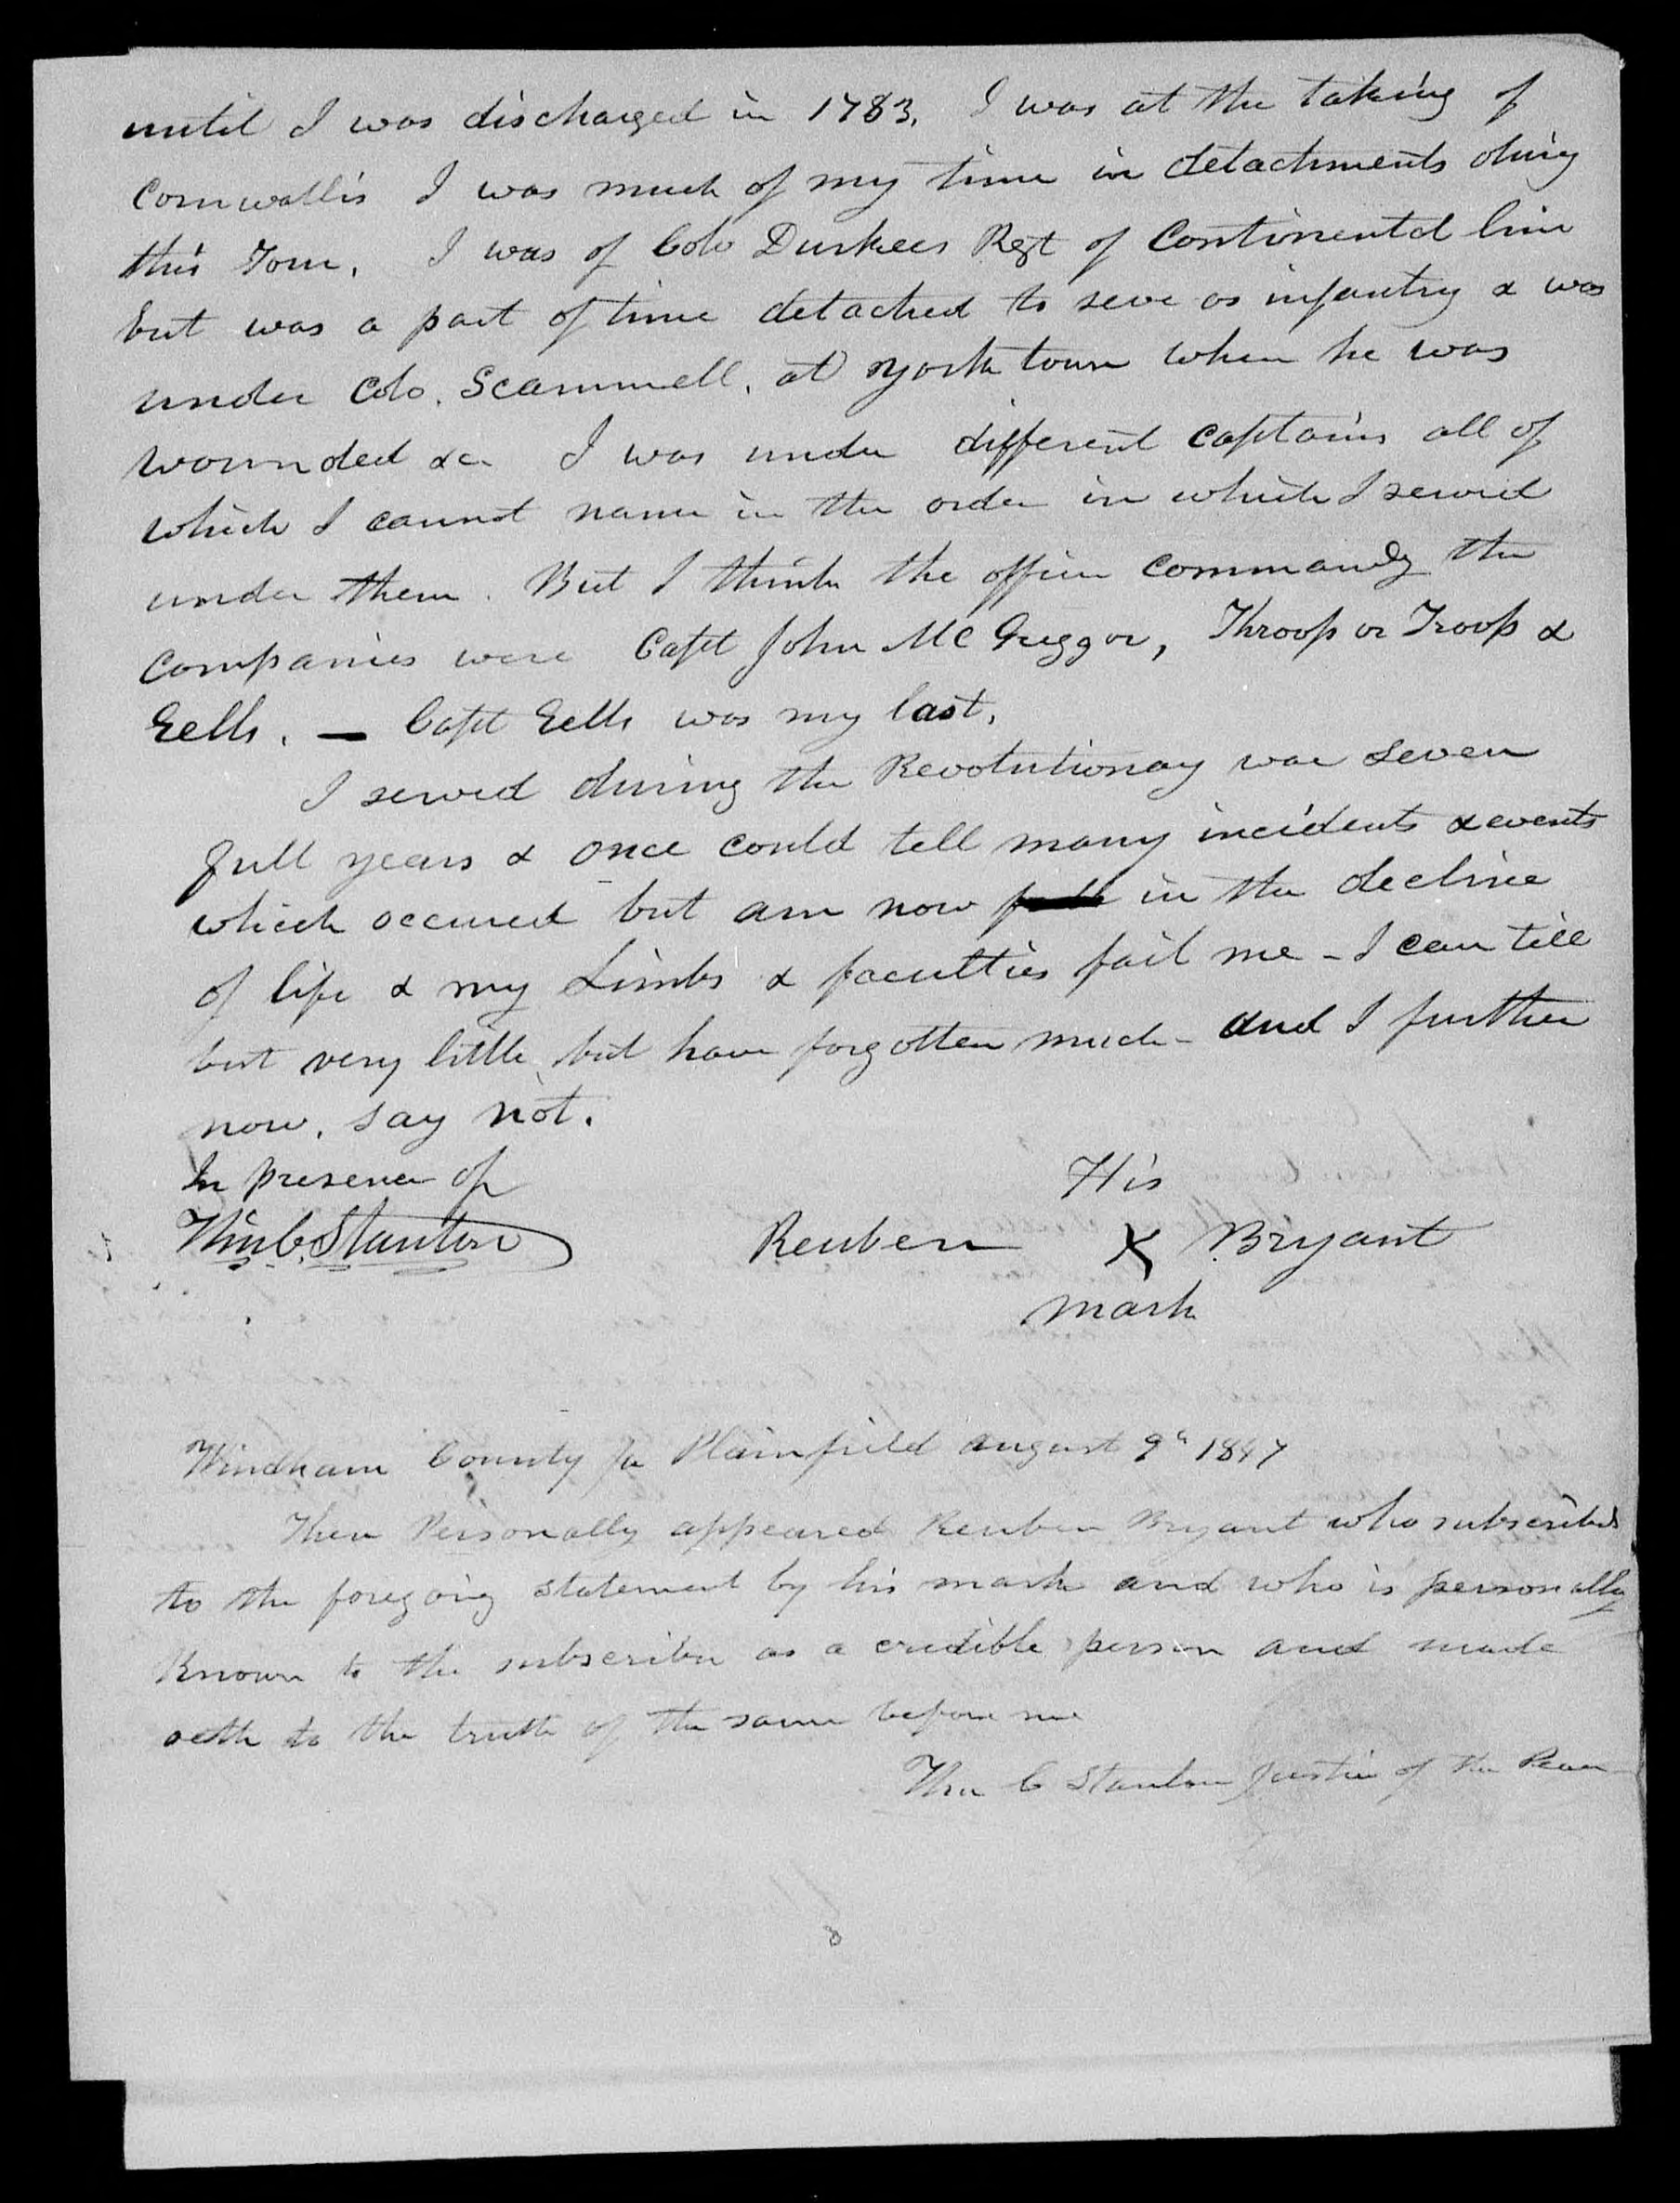until I was discharged in 1783. I was at the taking of Cornwallis. I was much of my time in detachments during this tour. I was of Colo Durkee's Regiment of Continental line but was 
a part of time detached to serve as infantry and was under Colo. Scammell at Yorktown when he was wounded and I was under different captains all of which I cannot name in the order in which I served under them but I think the office commanders of the companies were Capt John McGregor, Throop or Troop and [Ellis]: Capt [Ellis] was my last. 
I served during the Revolutionary war seven full years & once could tell many incidents & events which occurred but am now in the decline of life & my limbs & faculties fail me. I can tell but very little but have forgotten much and I further now say not. 
In presence of Wm C. Stanton His mark
Reuben Bryant
Windham County for Plainfield, August 9th 1847
Then personally appeared Reuben Bryant who subscribed to the foregoing statement by his mark and who is personally known to the subscriber as a credible person and made oath to the truth of the same before me.
Wm C. Stanton, Justice of the Peace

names: Ells, Wm C Stanton, Cornwallis, Reuben Bryant, Reuben Bryant, Throop, Wm C Stanton, Ells, John Mc Greggor, Scammell, Troop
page: 19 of 40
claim: rejected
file: R. 4251, John Green, Conn.